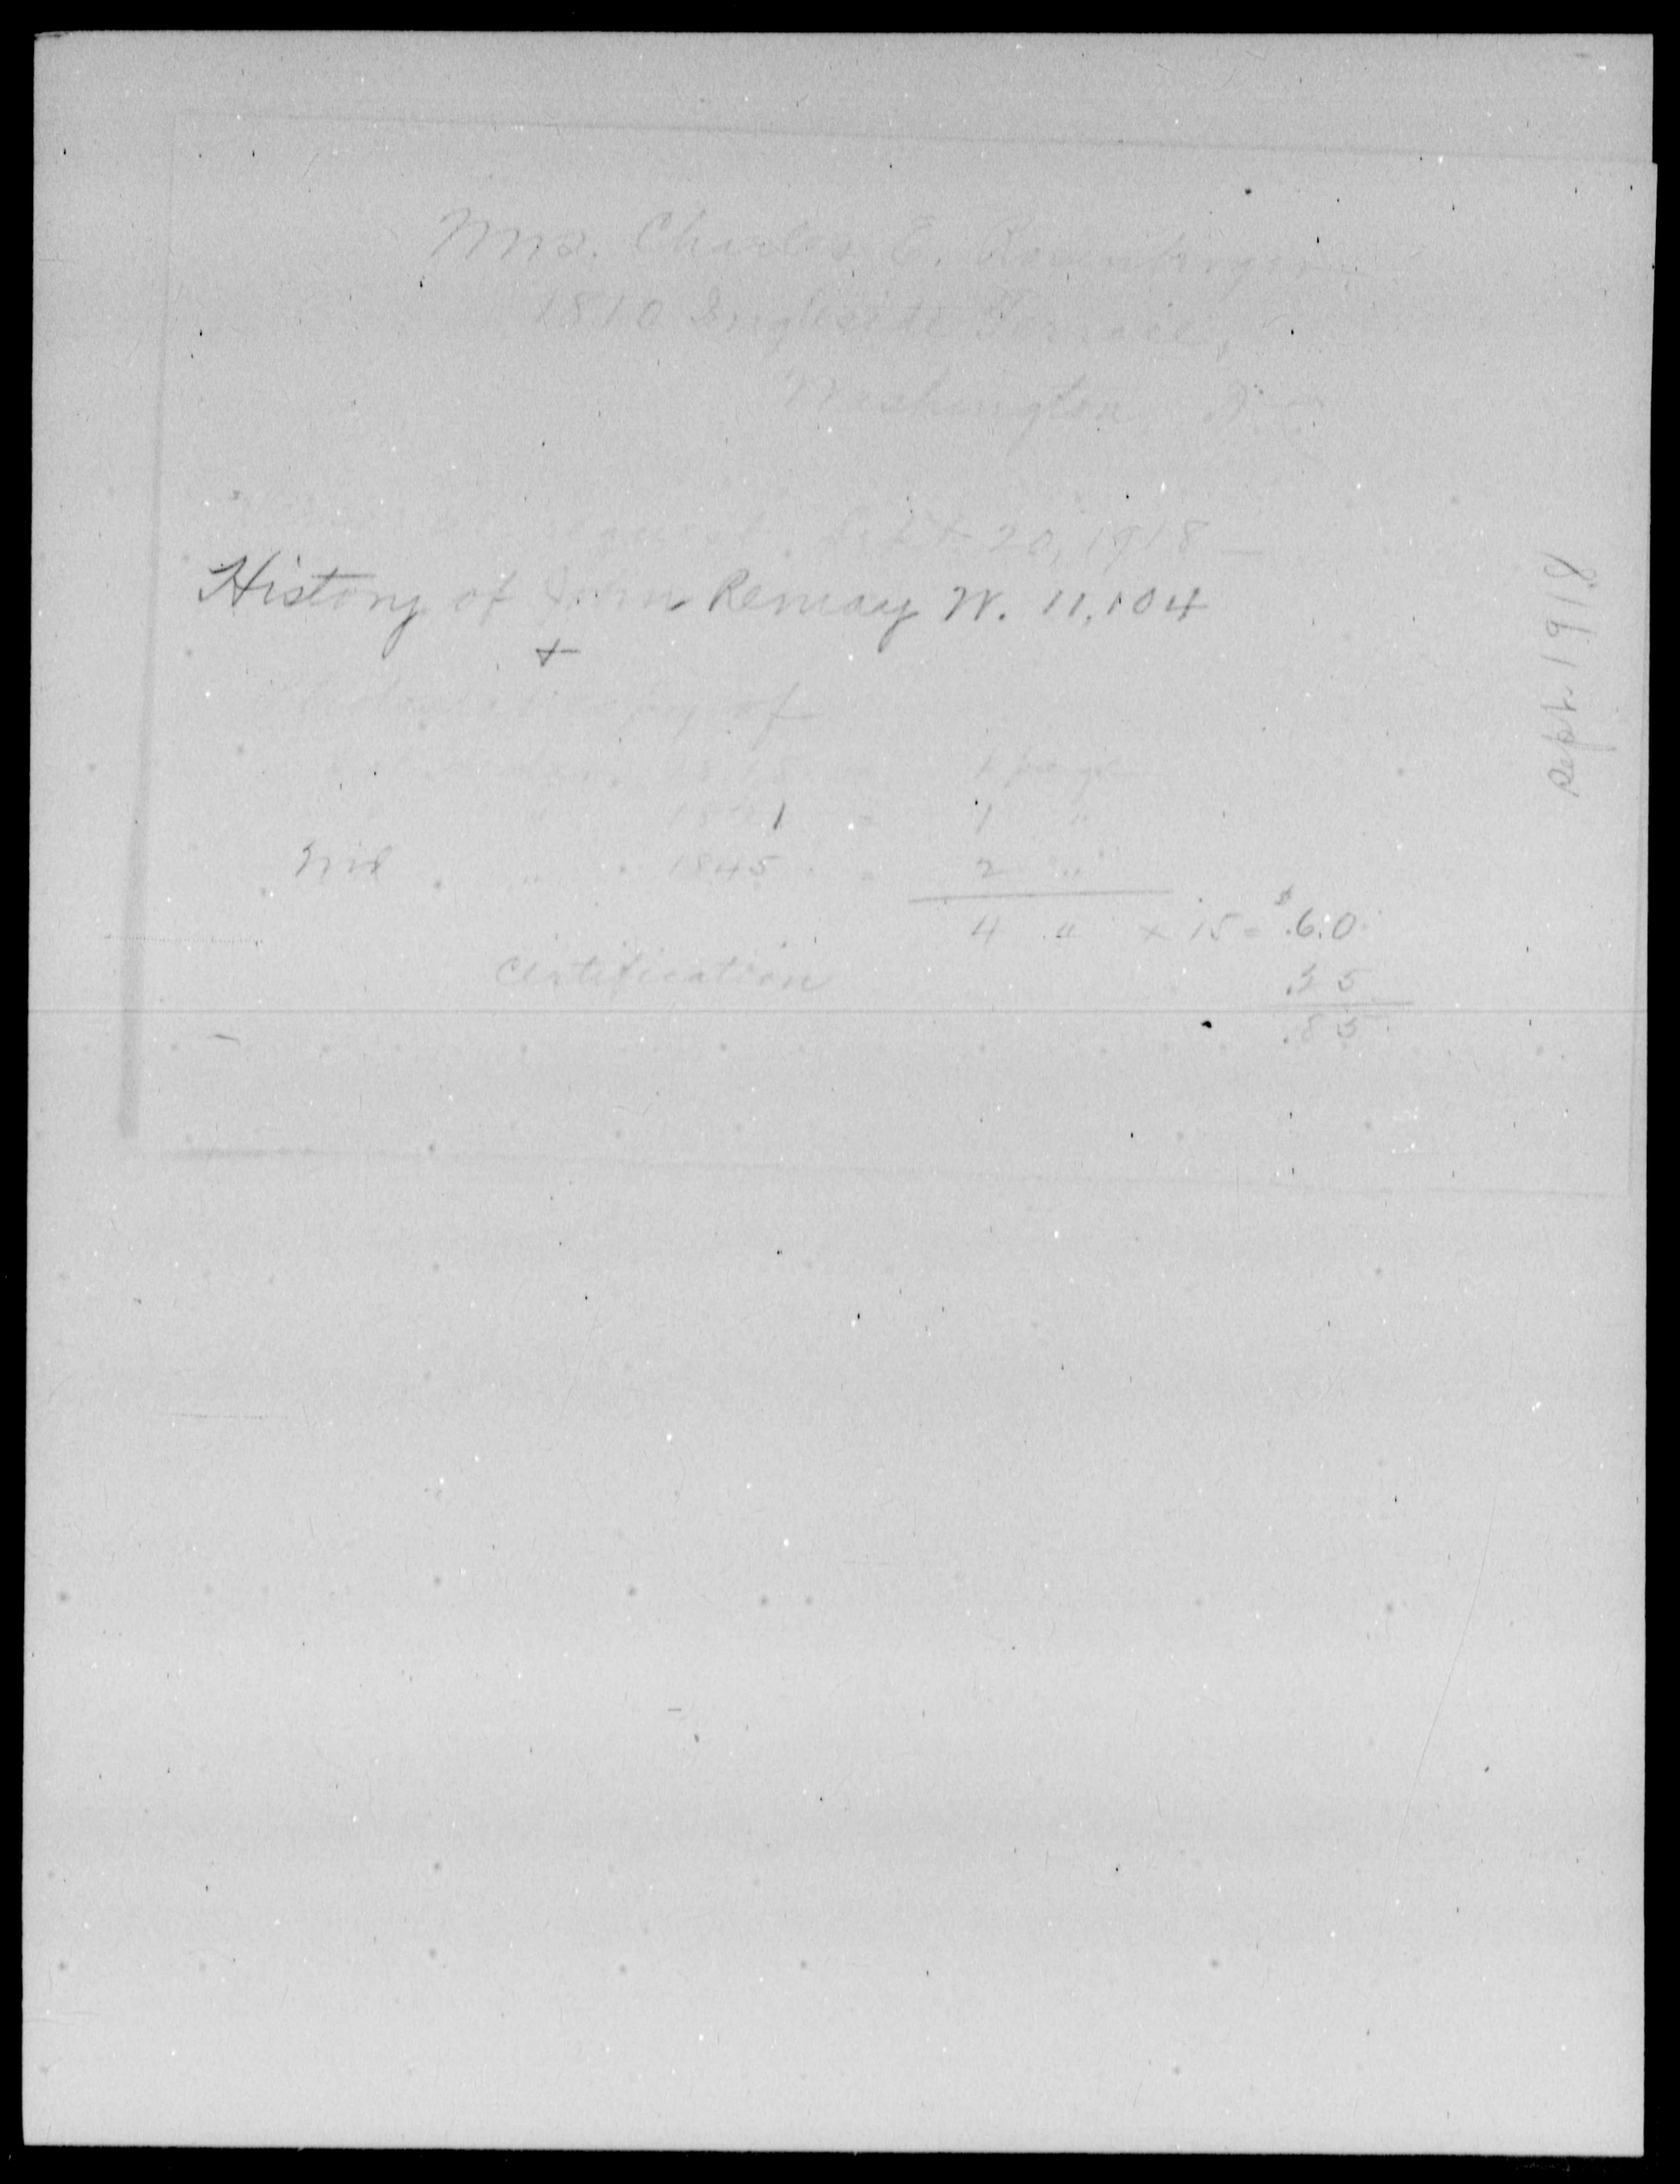Mrs. Charles E. Rosenberger
1810 Singleside [illegible]
Washington, D.C.
[illegible] Oct 20, 1918
History of John Remay W. 11,104
&
[illegible]
Wid. 1845
Certification
Sept. 1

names: John Remay; Charles E Rosenberger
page: 59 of 84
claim: widow's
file: W.11104, for John Remay, Virginia